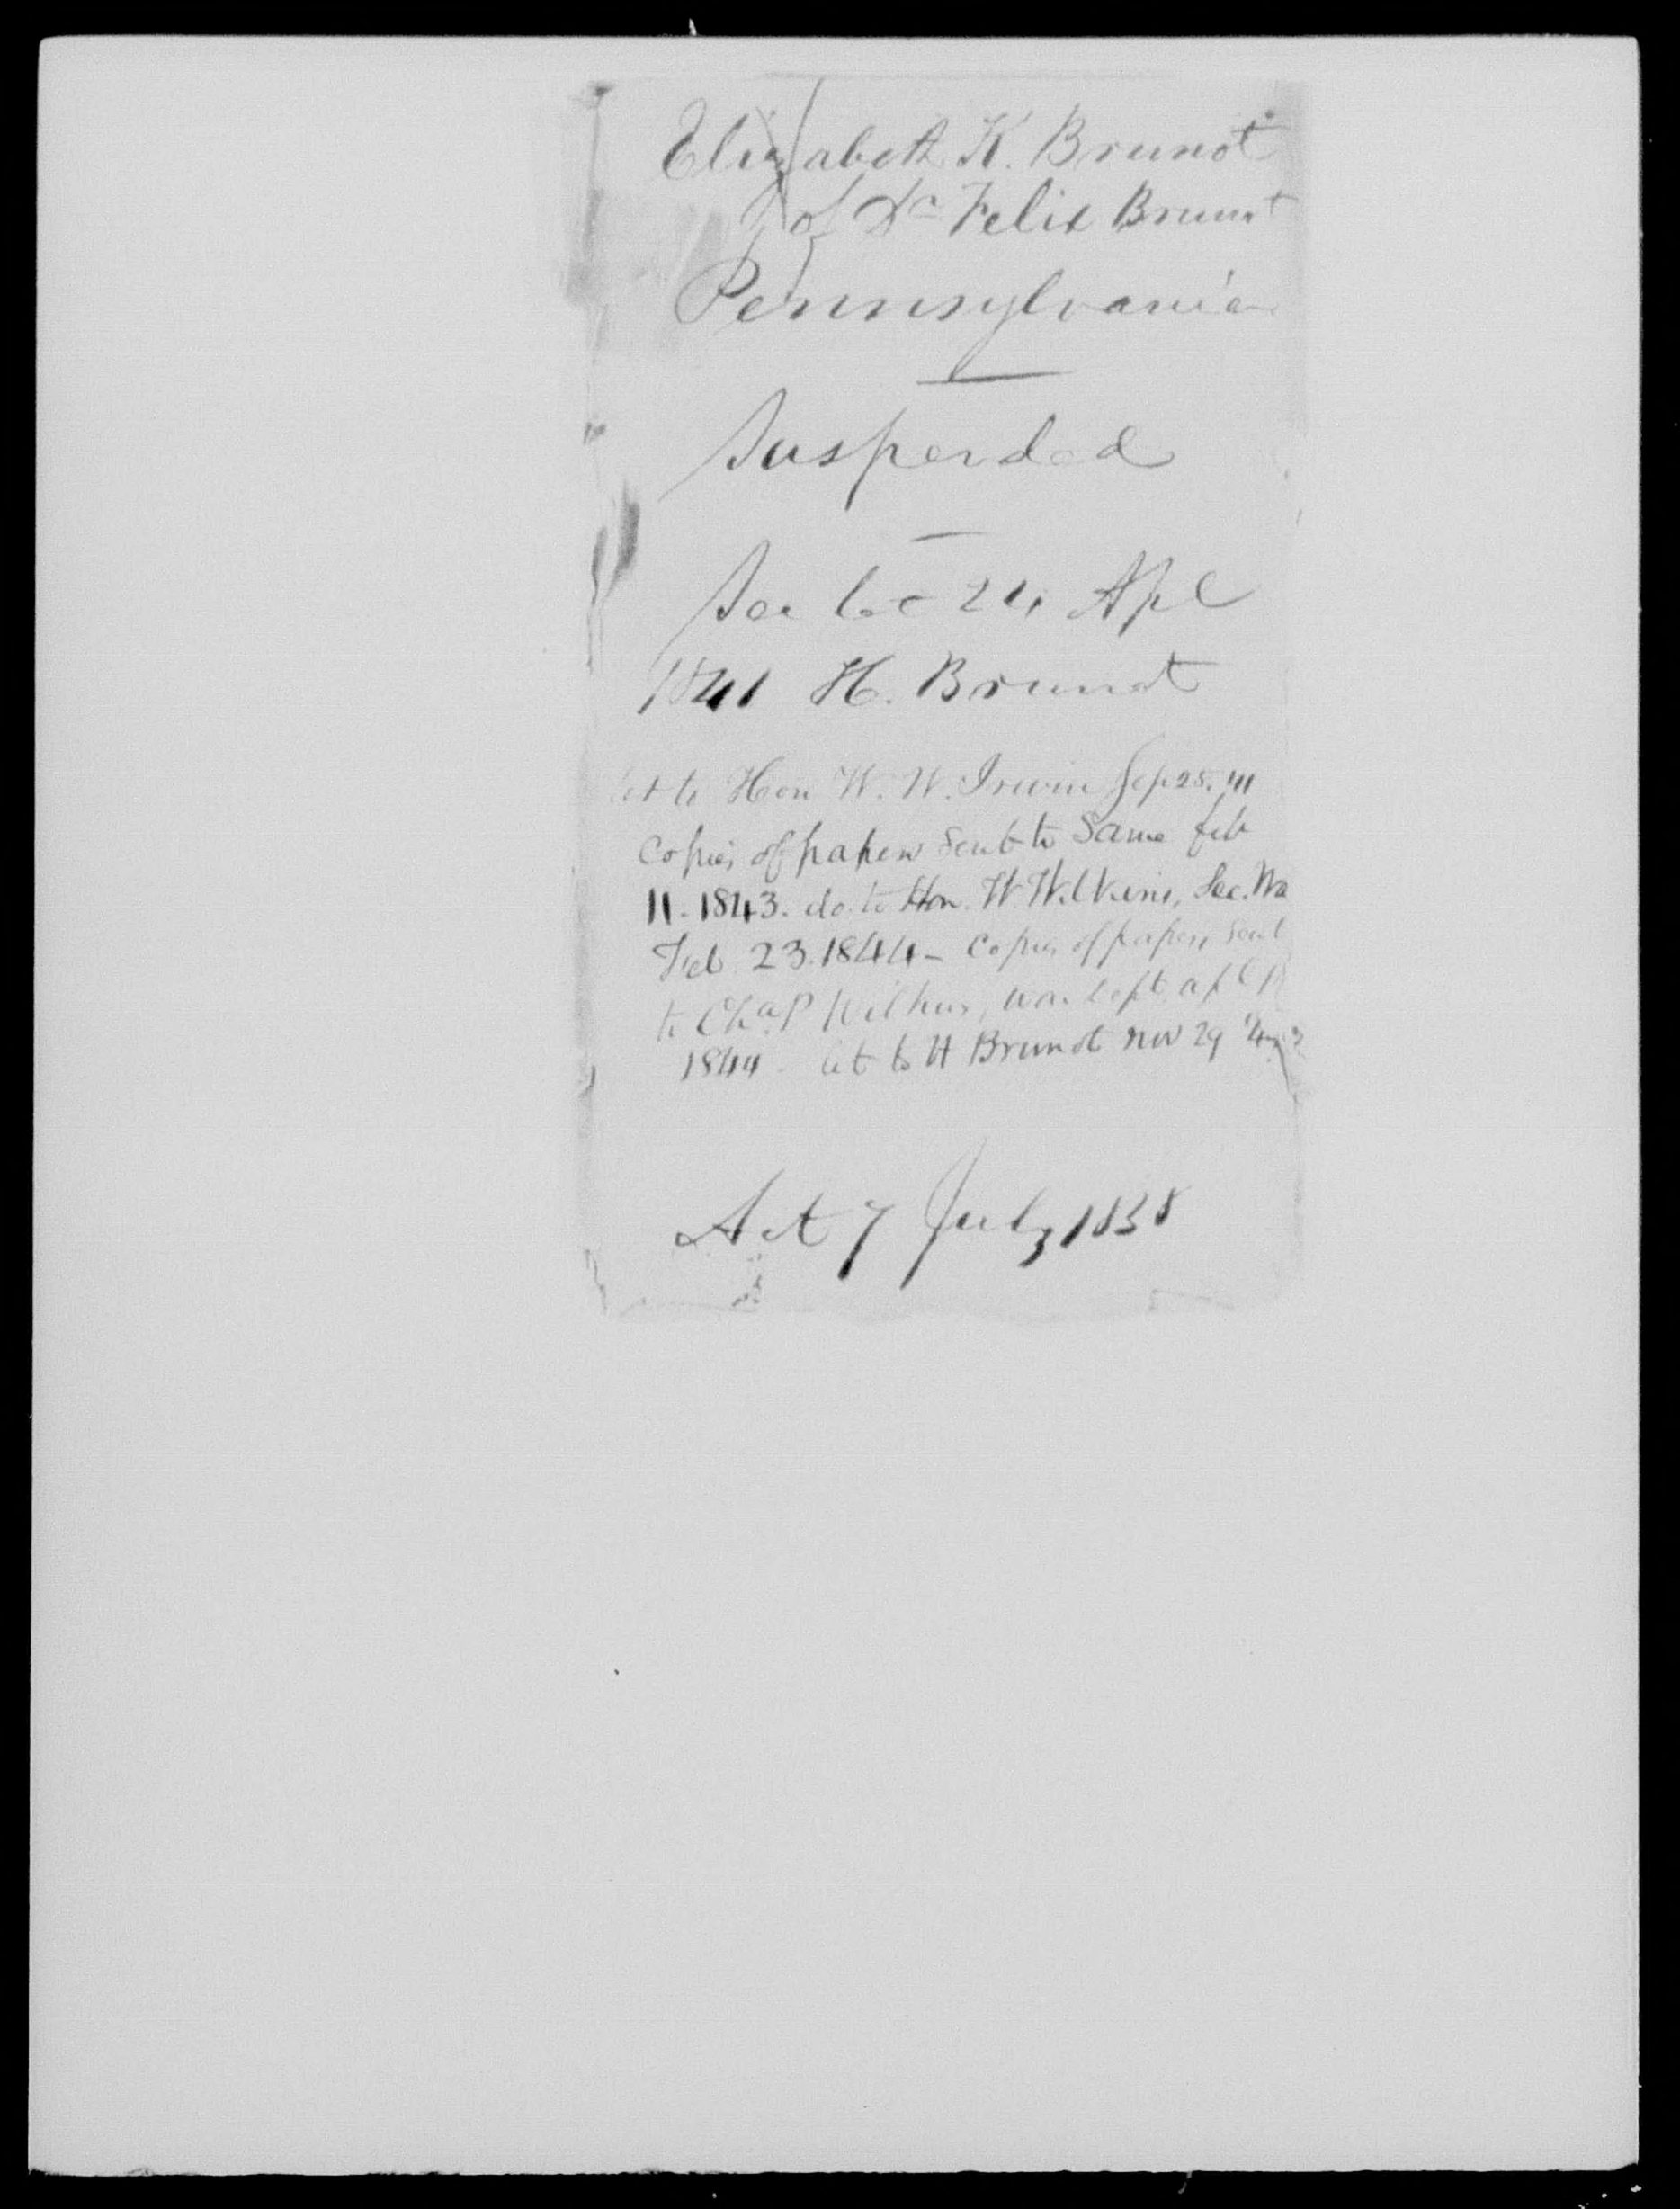Elizabeth K. Brunot
of [illegible] Felix Brunot
Pennsylvania
Suspended
[illegible] 24 April 1841 H. Brunot
[illegible] Hon. W. W. Irwin Sept 25, 41 copies of papers sent to same Feb 11 1843 do to Hon W. Wilkins Sec. Feb 23 1844 - copies of papers sent to Cha. P Wilkins [illegible] Sept of 1844 to H. Brunot Nov 29 '44
Act of July 1838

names: H Brunot, Chas P Wilkins, W Wilkins, Elizabeth K Brunot, H Brunot, W W Irwin, Felix Brunot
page: 24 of 34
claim: rejected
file: R. 1371, Felix Brunot, Penn.